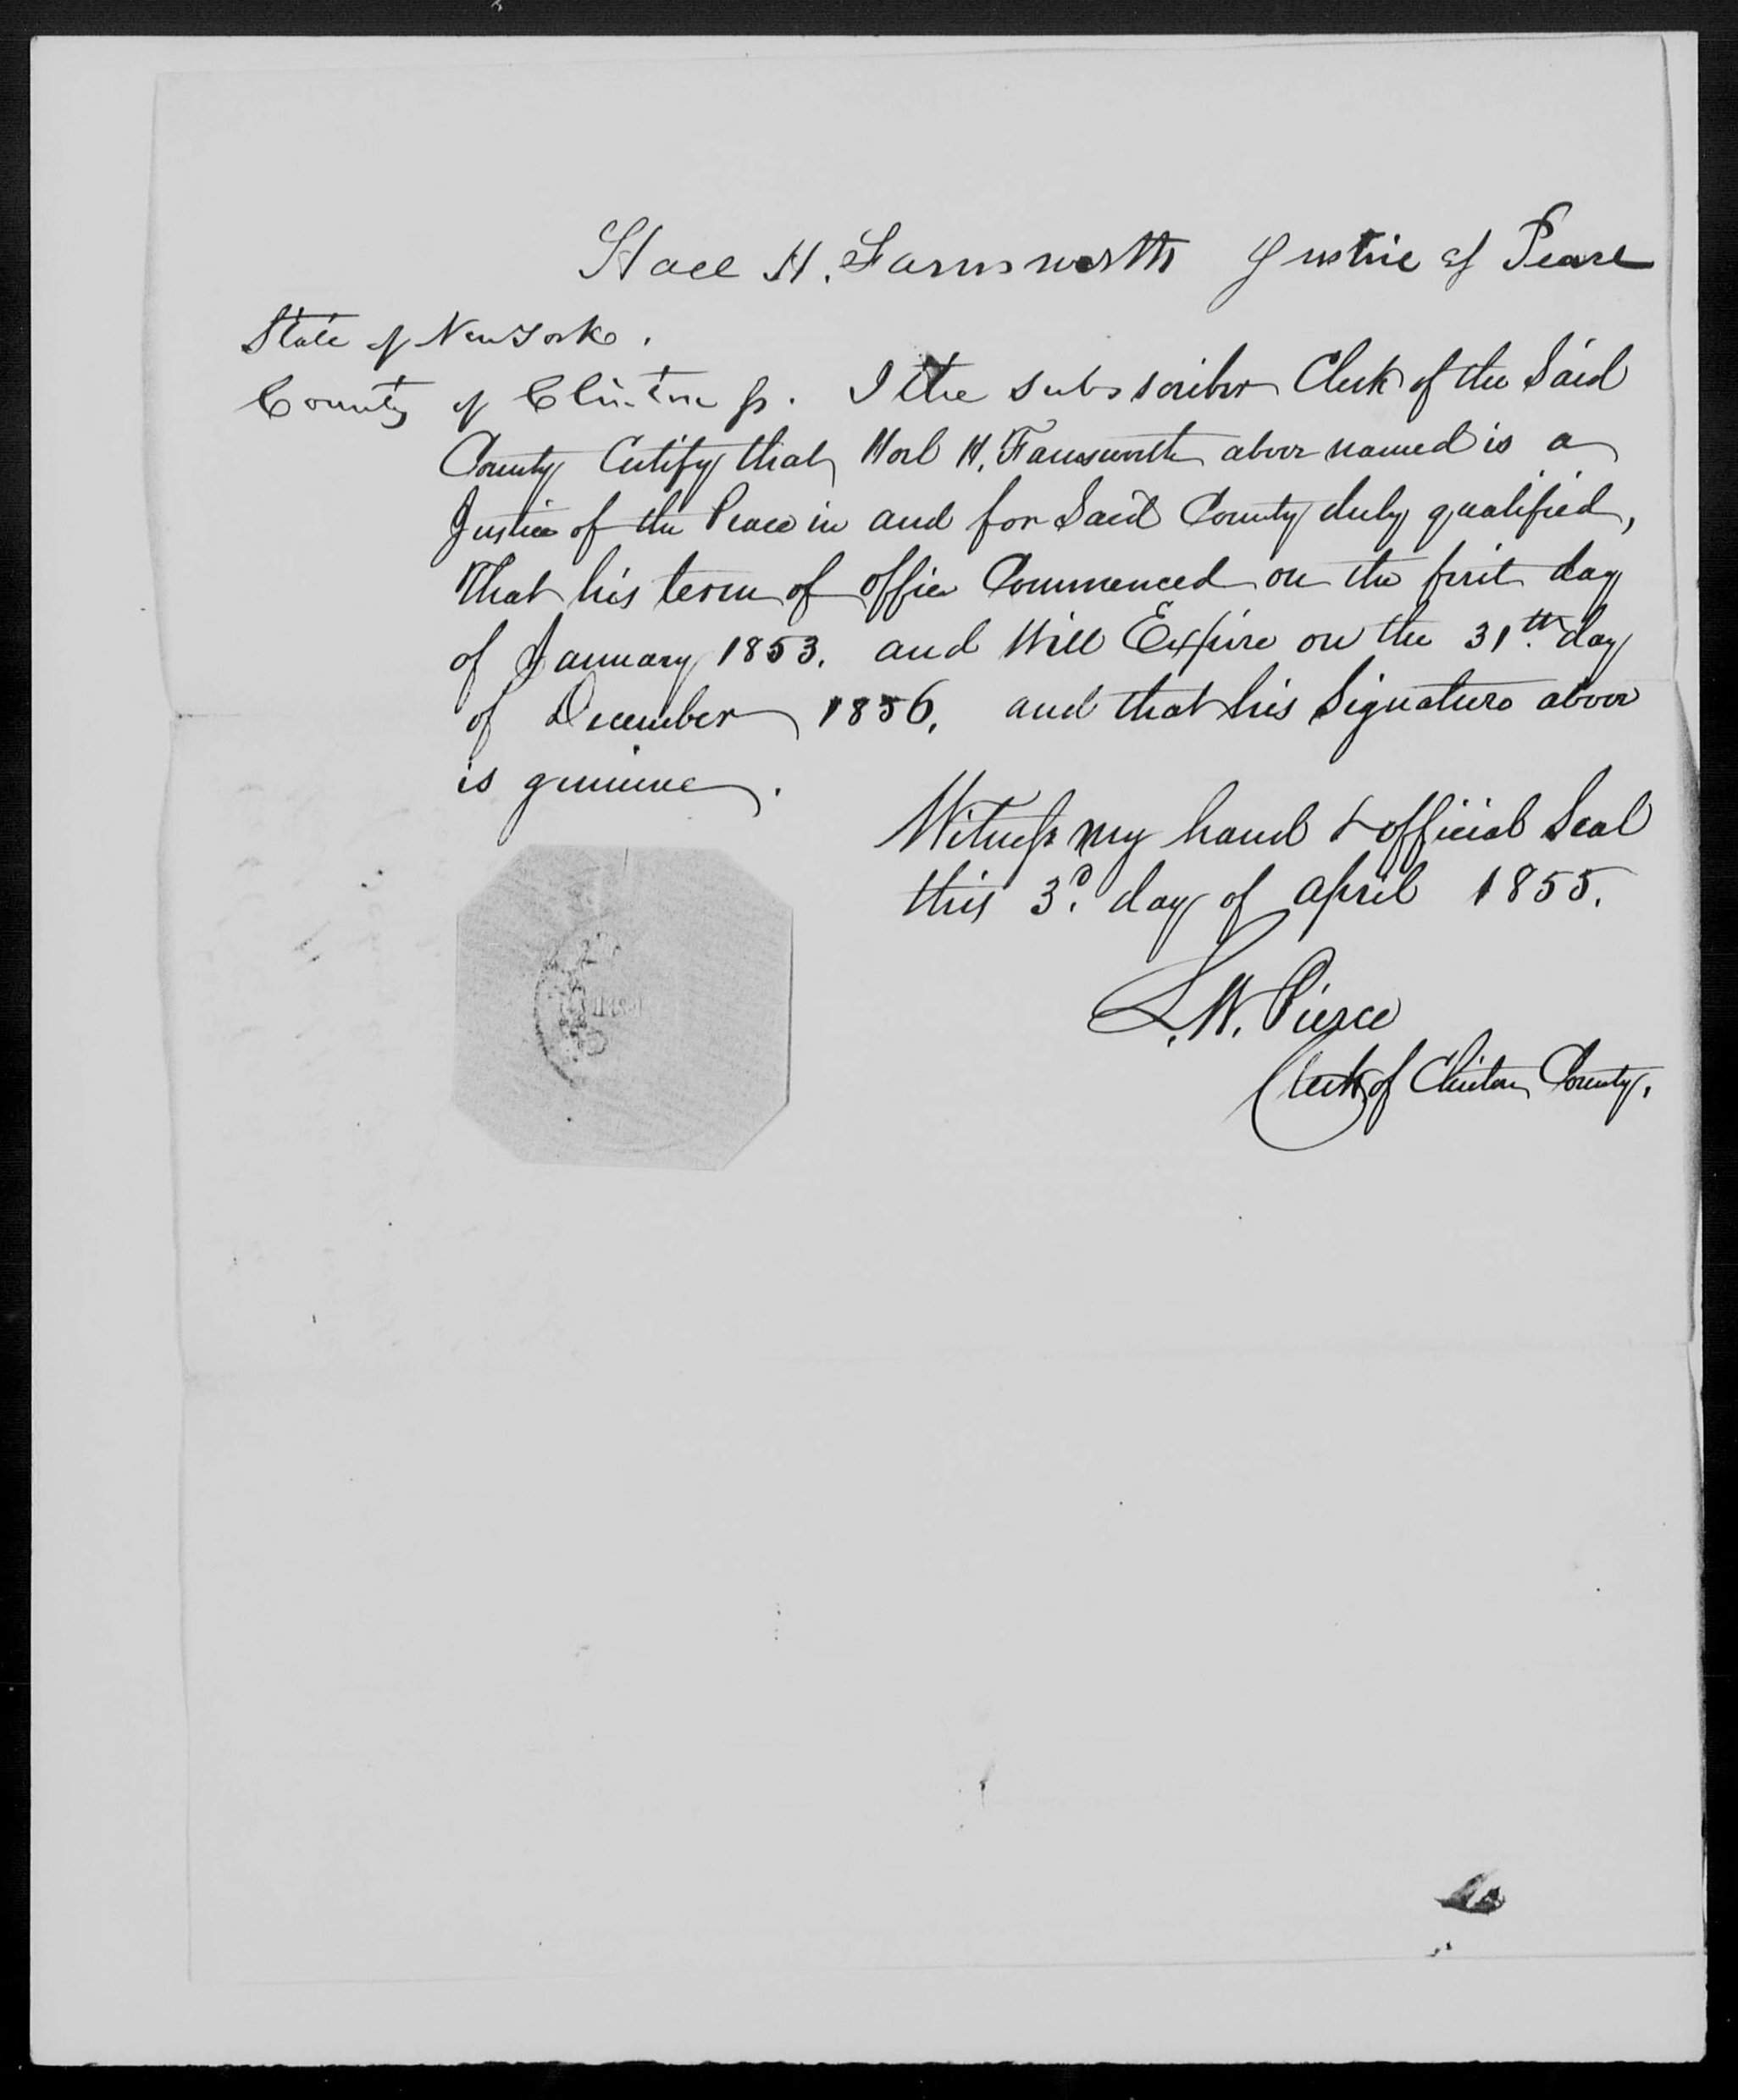Hoel H. Farnsworth Justice of Peace
State of New York
County of Clinton ss.
I the subscriber Clerk of the said County Certify that Hoel H. Farnsworth above named is a Justice of the Peace in and for said County duly qualified.  That his term of office commenced on the first day of January 1853, and will expire on the 31st day of December 1856, and that his signature above is genuine.
Witness my hand & officail Seal
this 3d day of April 1855.
L. W. Pierce
Clerk of Clinton County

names: L W Pierce, Hoel H Farnsworth, Hoel H Farnsworth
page: 45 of 50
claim: widow's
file: W. 8559, Ebenezer Ayer, Continental (Conn)